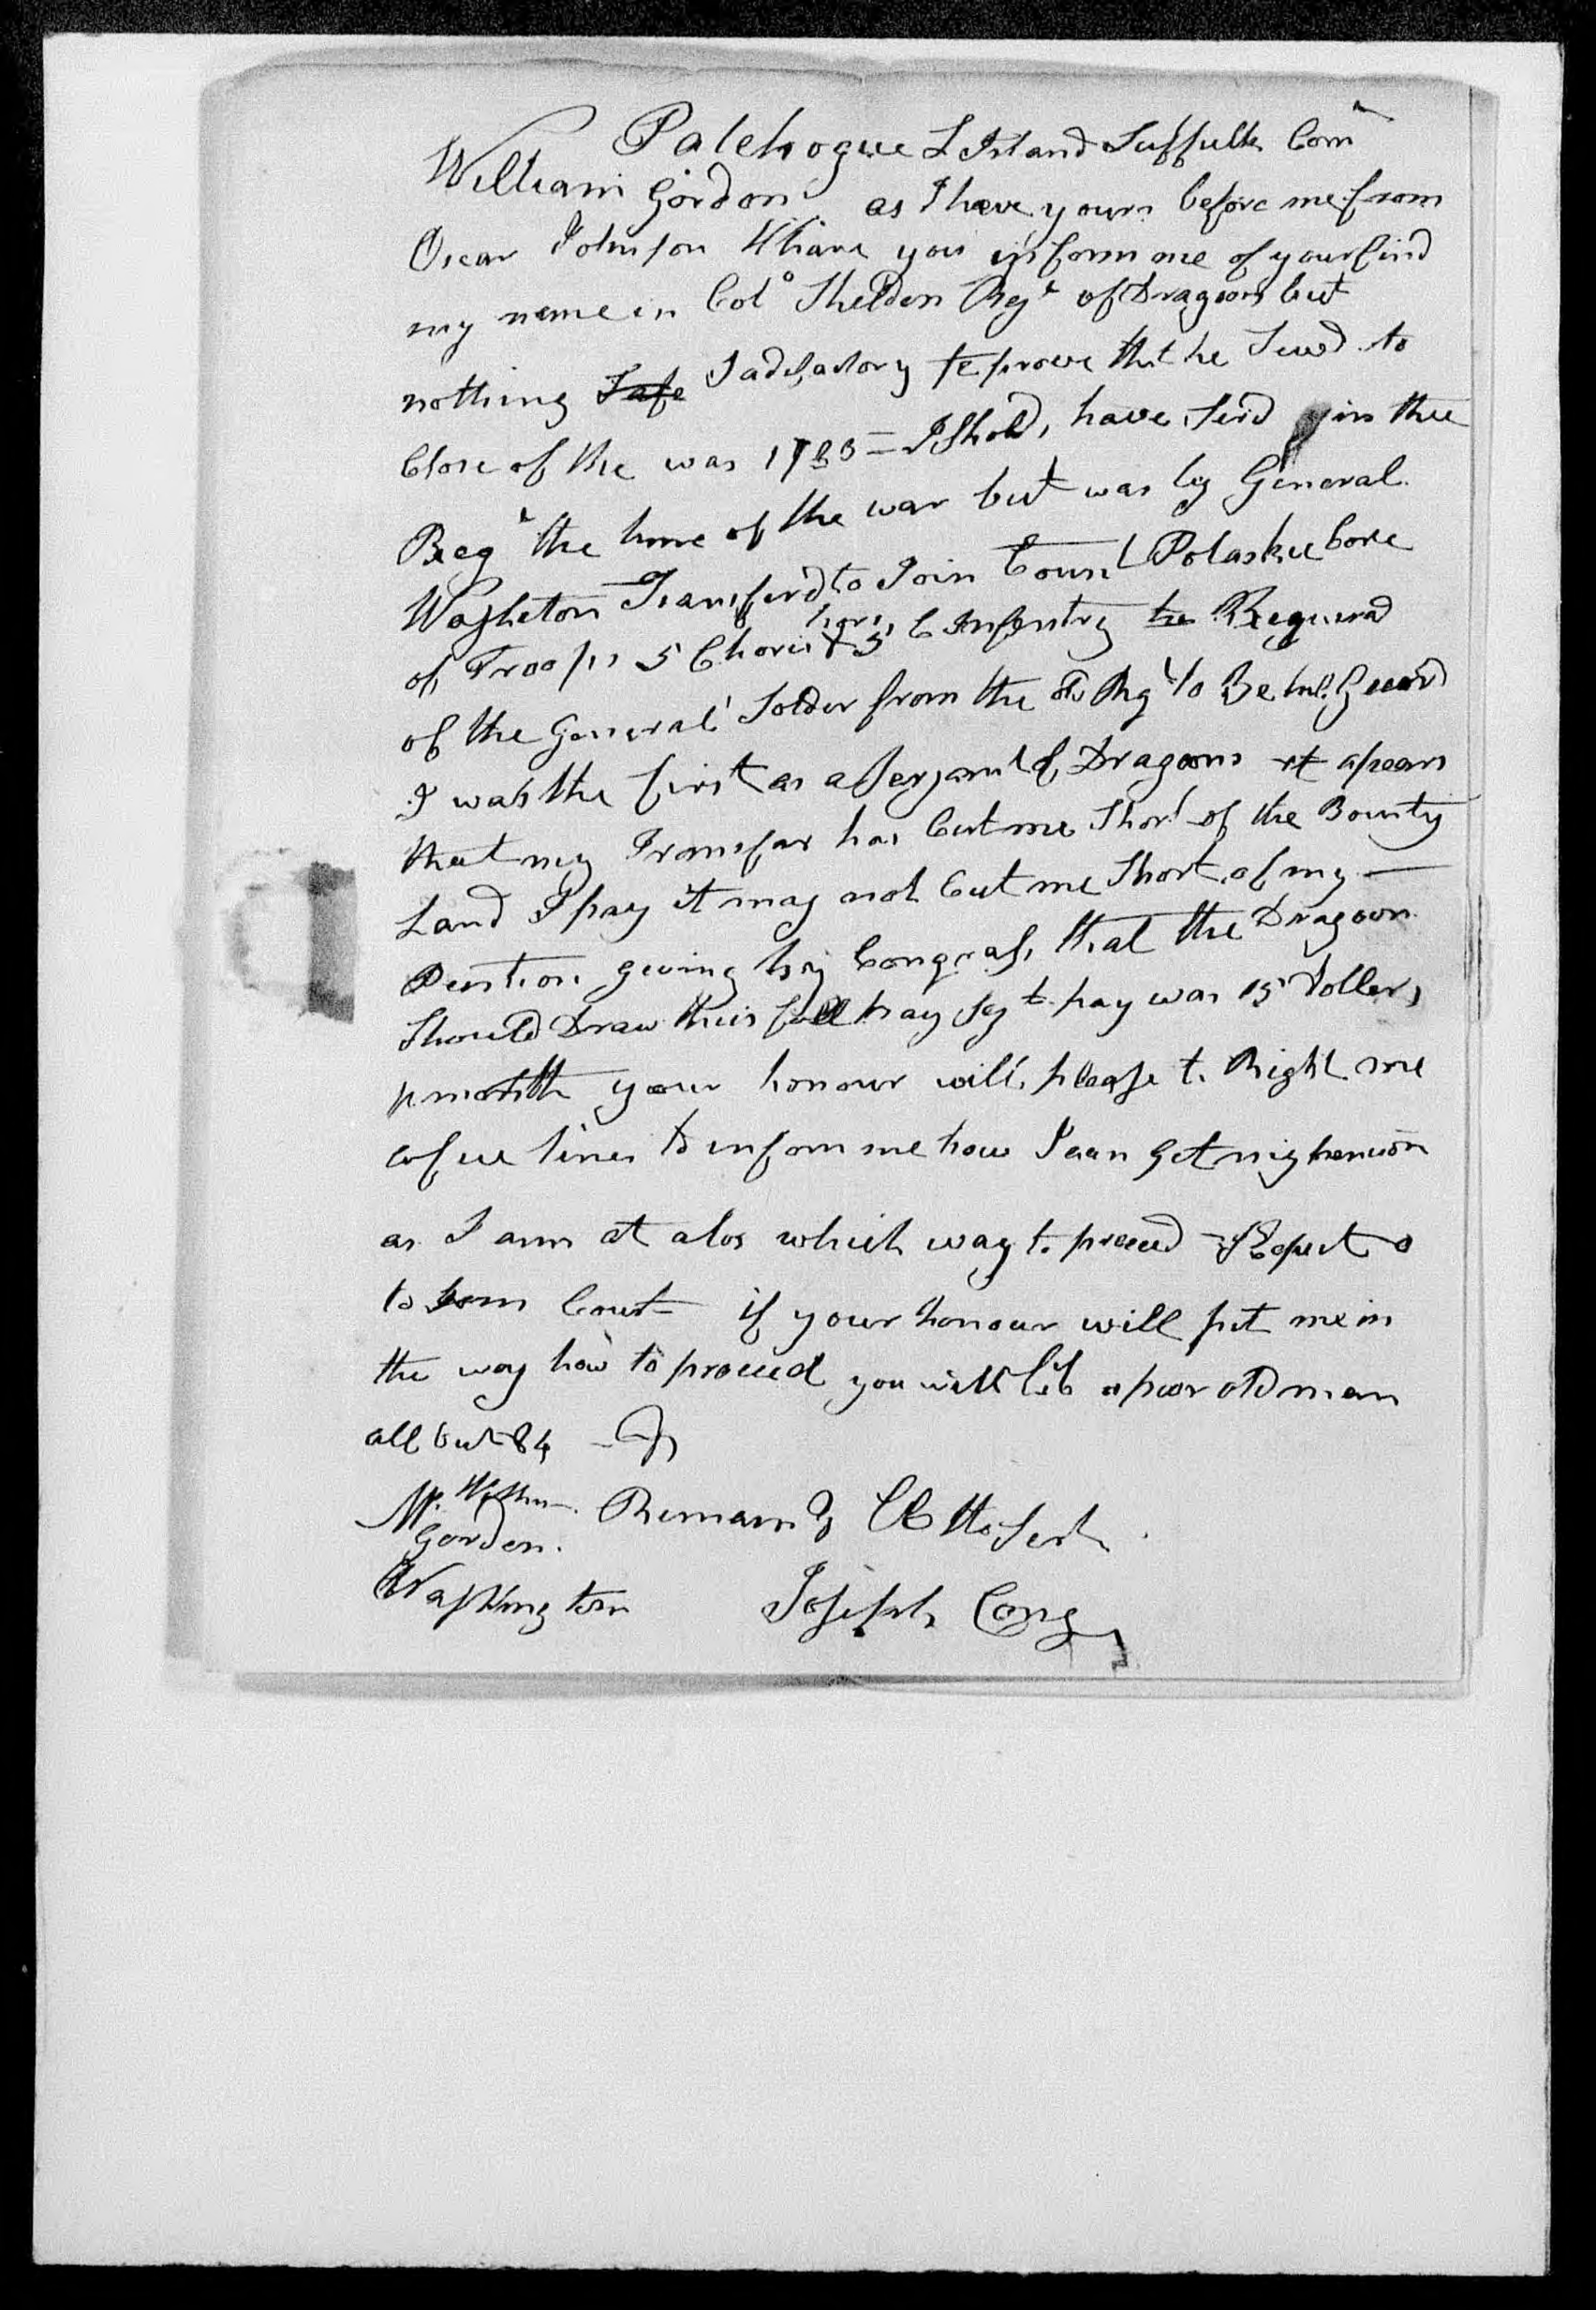Patchogue Island Suffolk Com
William Gordon as I have yours before me from Oscar Johnson Whare you inform me of your finding name in Colo Sheldon Regt of Dragoons but nothing [illegible, crossed out] Sadisfactory to prove that he served to Close of the war 1783 - I shold, have, said in the Regt the [illegible] of the war but was by General Washeton Transfer'd to join Count Polaski Core of Troops S Chevalier's C Infantry to [illegible] of the General Solder from the sd Regt to [illegible]
I was the first as a Sergeant of Dragoons it appears But my [illegible] has Cut me short of the Bounty Land I Pay it may not Cut me Short of my - Pention giving his Congress, that the Dragoon should draw his full pay segt pay was 15 Dollars per month you honor will please to Right me a few lines to inform me how I am geting pension or I am at alos which way to proceed - Report o to som Court - if your honour will put me in the way how to proceed you will let a poor old man all but 84 - I
Willm. Remain [illegible] Sert.
W. Gordon
Washington  Joseph Cone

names: William Roman, W Gordon, Joseph Cone, Oscar Johnson, Washiton, William Gordon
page: 20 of 28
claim: survivor's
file: S. 12569, Joseph Cone, Conn Continental